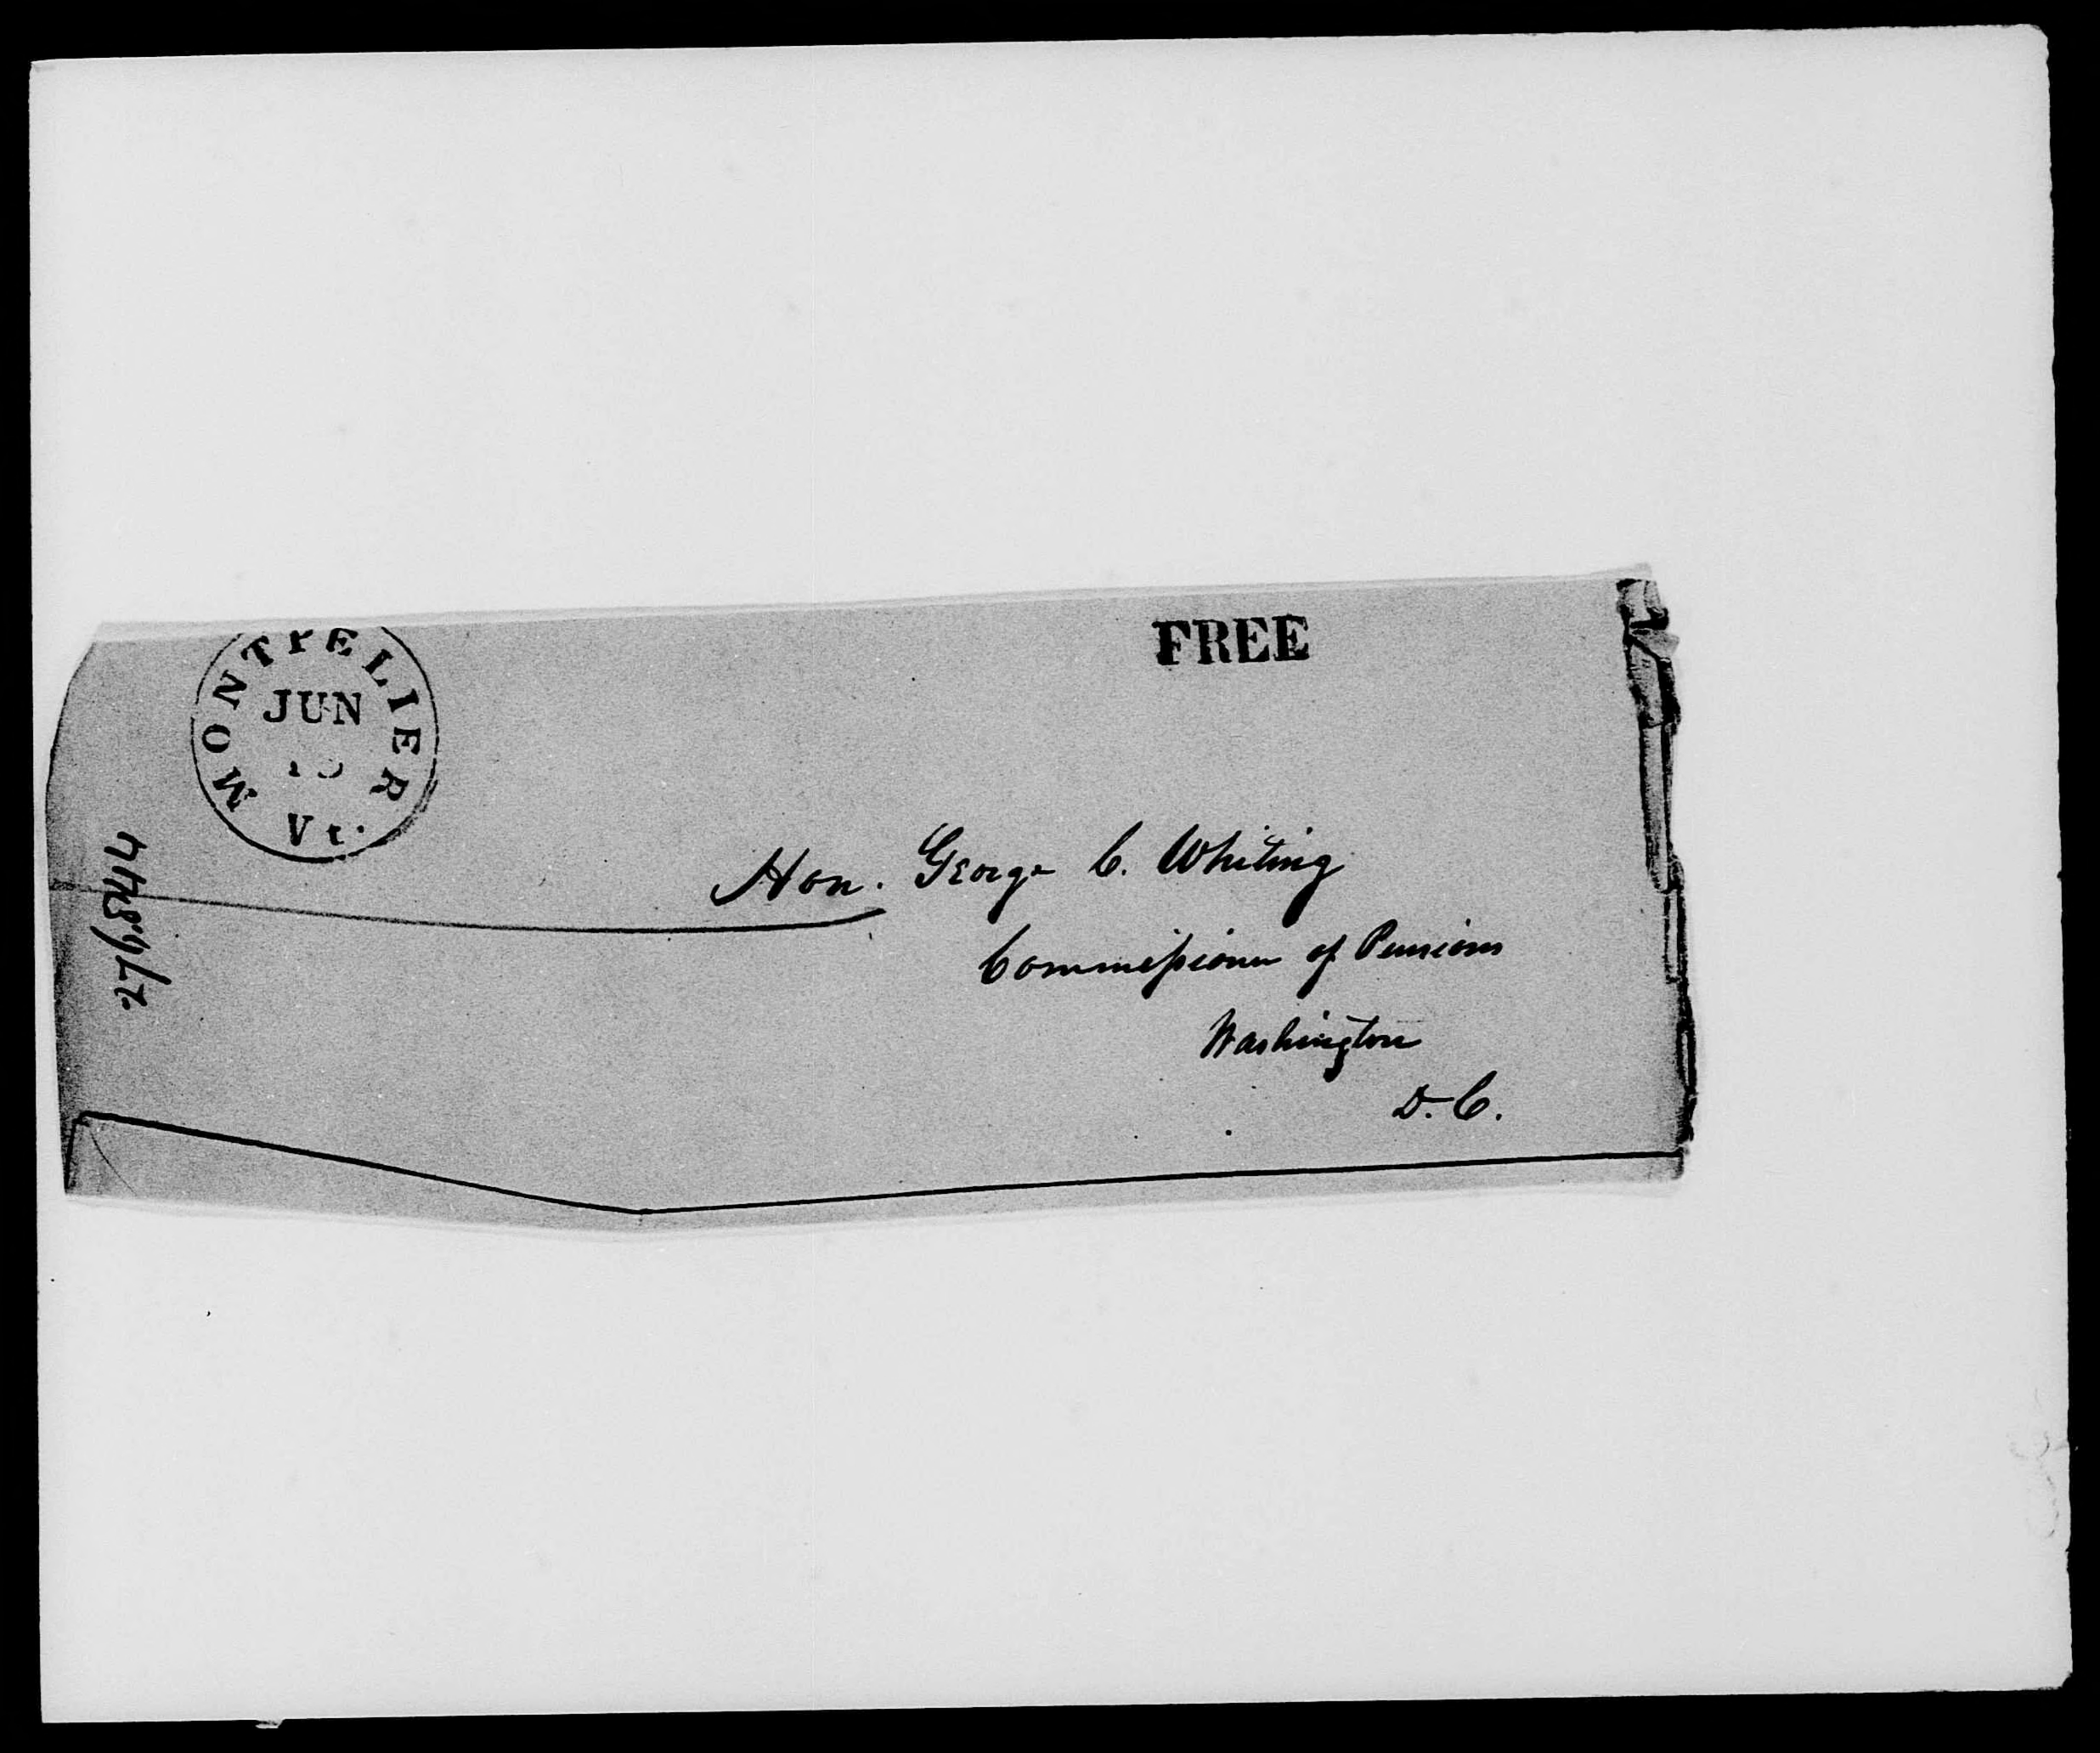[Stamped "Montpelier VT
June [Illegible]"]

FREE

276.844

Hon. George C. Whiting
Commission of Pension
Washington
D. C.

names: George C Whiting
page: 52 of 114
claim: widow's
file: W. 2115, Seth Hubbell, Conn.